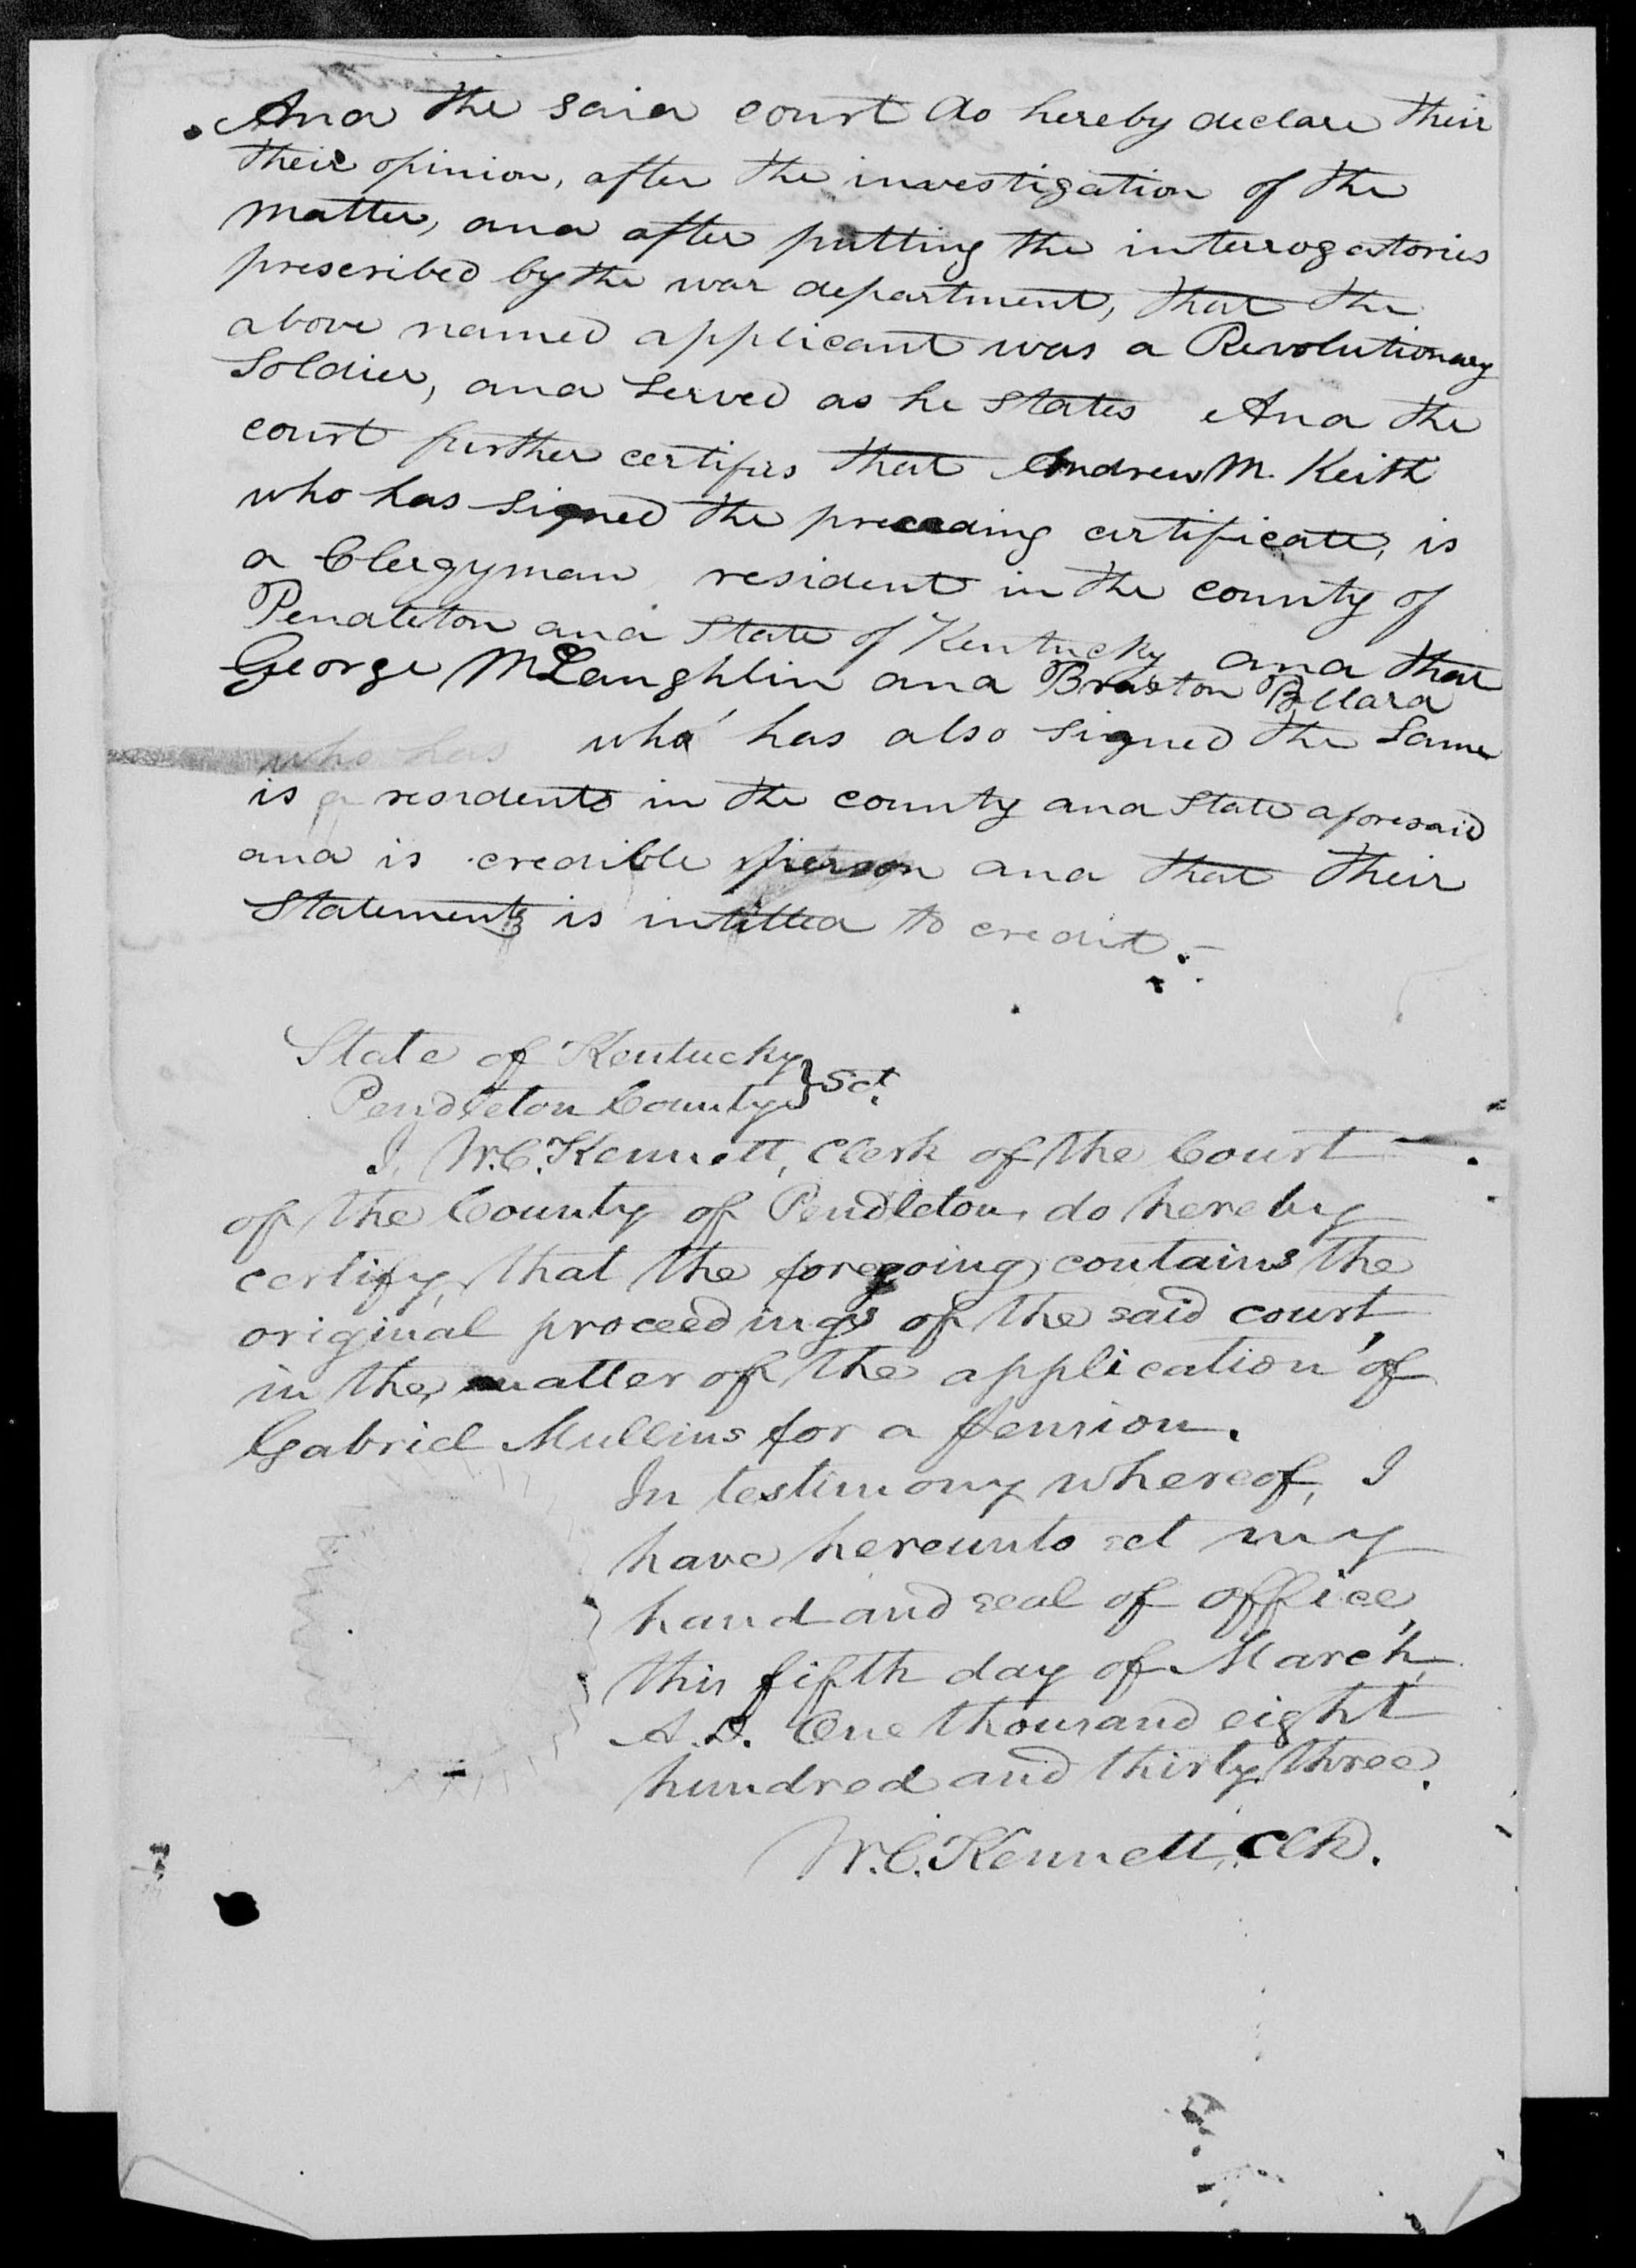And the said Court do hereby declare their
their opinion, after the investigation of the
matter, and after putting the interrogatories
prescribed by the war department, that the
above named applicant was a Revolutionary
Soldier, and served as he states and the
Court further certifies that Andrew M Keith
who has signed the preceding certificate, is
Clergyman resident in the County of
Pendleton and State of Kentucky and that
George M Laughlin and Braxton Pollard
who has also signed the same
is residents in the County and State aforesaid
and is credible person and that their
Statements is intitled to credit-
State of Kentucky
Pendleton County Sct
I, W. C. Kennett, Clerk of the Court
of the County of Pendleton, do hereby
certify that the forgoing contains the
original proceedings of the said Court
in the matter of the application of
Gabriel Mullins for a pension.
In testimony whereof I
have hereunto set my
hand and seal of office
this fifth day of March
A.D.
one thousand eight
hundred and thirty three
W. C. Kennett, Clk
[lower left corner:] Seal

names: Gabriel Mullins; Andrew M Keith; George Mc Laughlin; W C Kennett; Braston Pollard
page: 8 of 34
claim: survivor's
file: S. 30608, for Gabrel Mullins, Virginia